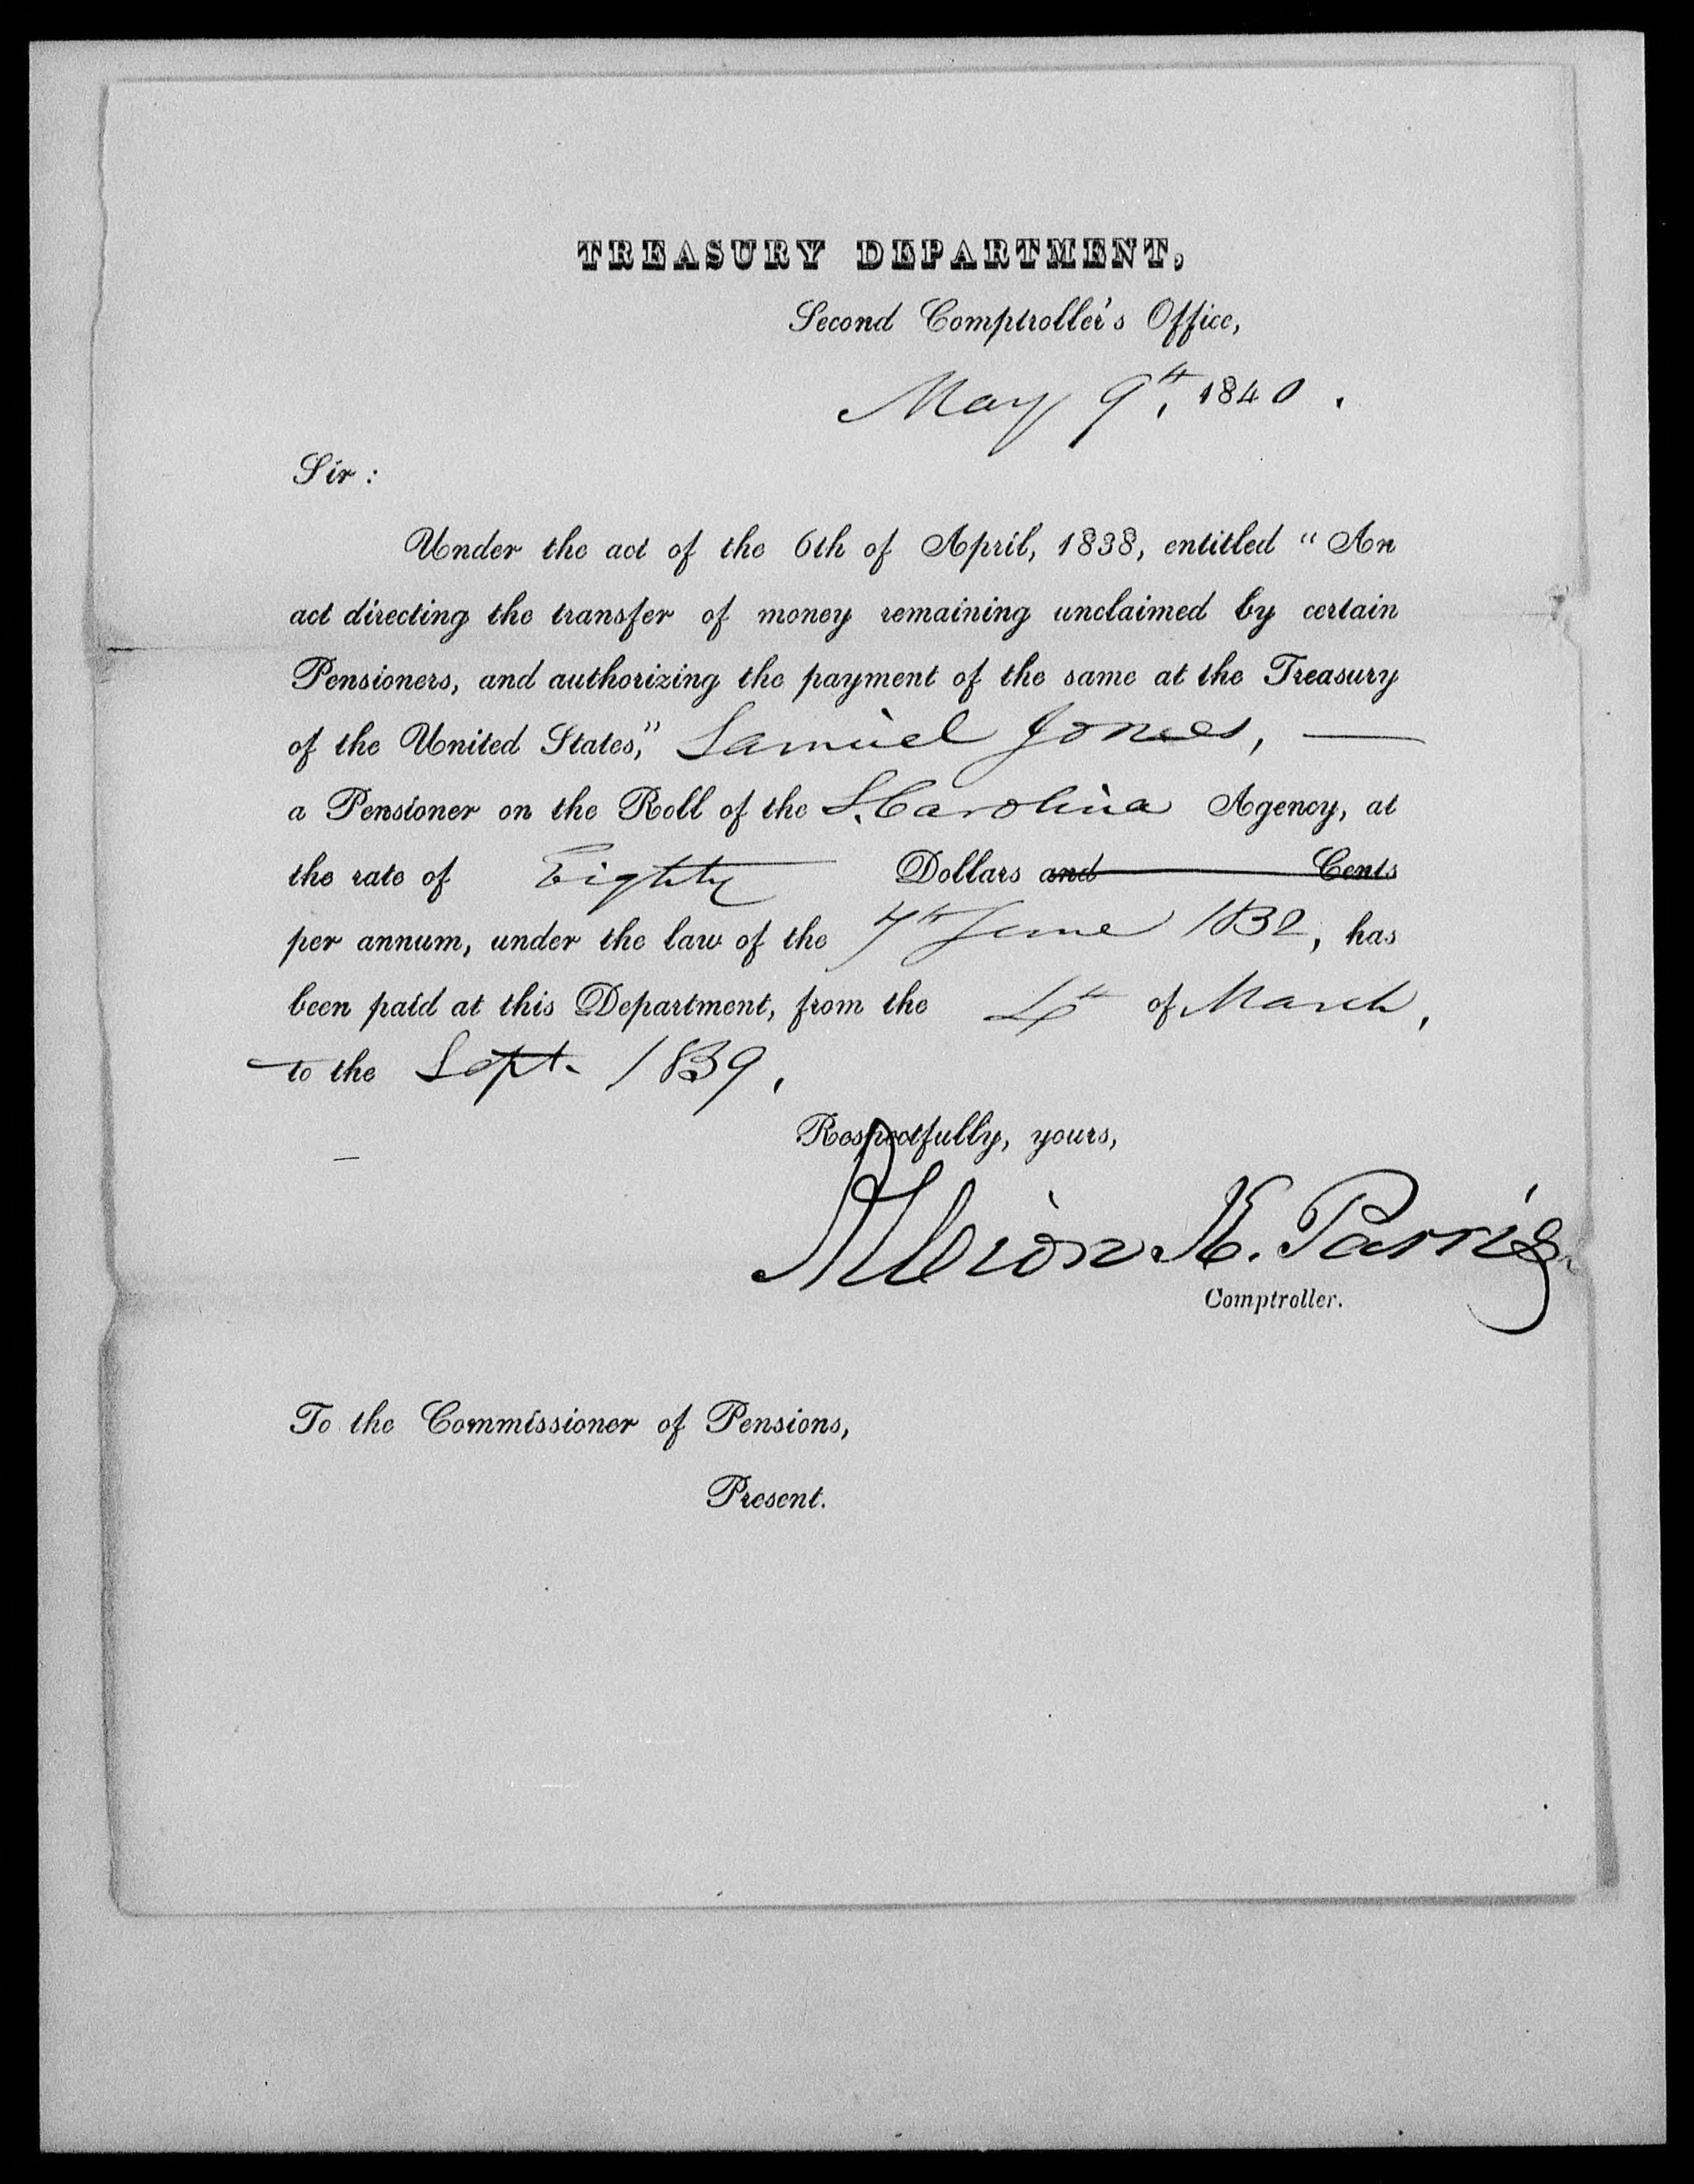TREASURY DEPARTMENT. 
Second Comptroller's Office 
May 9th 1840 
Sir
Under the act of the 6th of April, 1838, entitled "An act directing the transfer of money remaining unclaimed by certain Pensioners, and authorizing the payment of the same at the Treasury of the United States," Samuel Jones, - a Pensioner on the Roll of the S. Carolina Agency, at the rate of Eighty Dollars and Cents per annum, under the law of the 7th June 1832, has been paid at this Department, from the 4th of March to the Sept. 1839 
Respectfully, yours, Albion K. Parris Comptroller. To the Commissioner of Pensions Present.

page: 12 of 28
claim: survivor's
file: S. 21844, for Samuel Jones, South Carolina